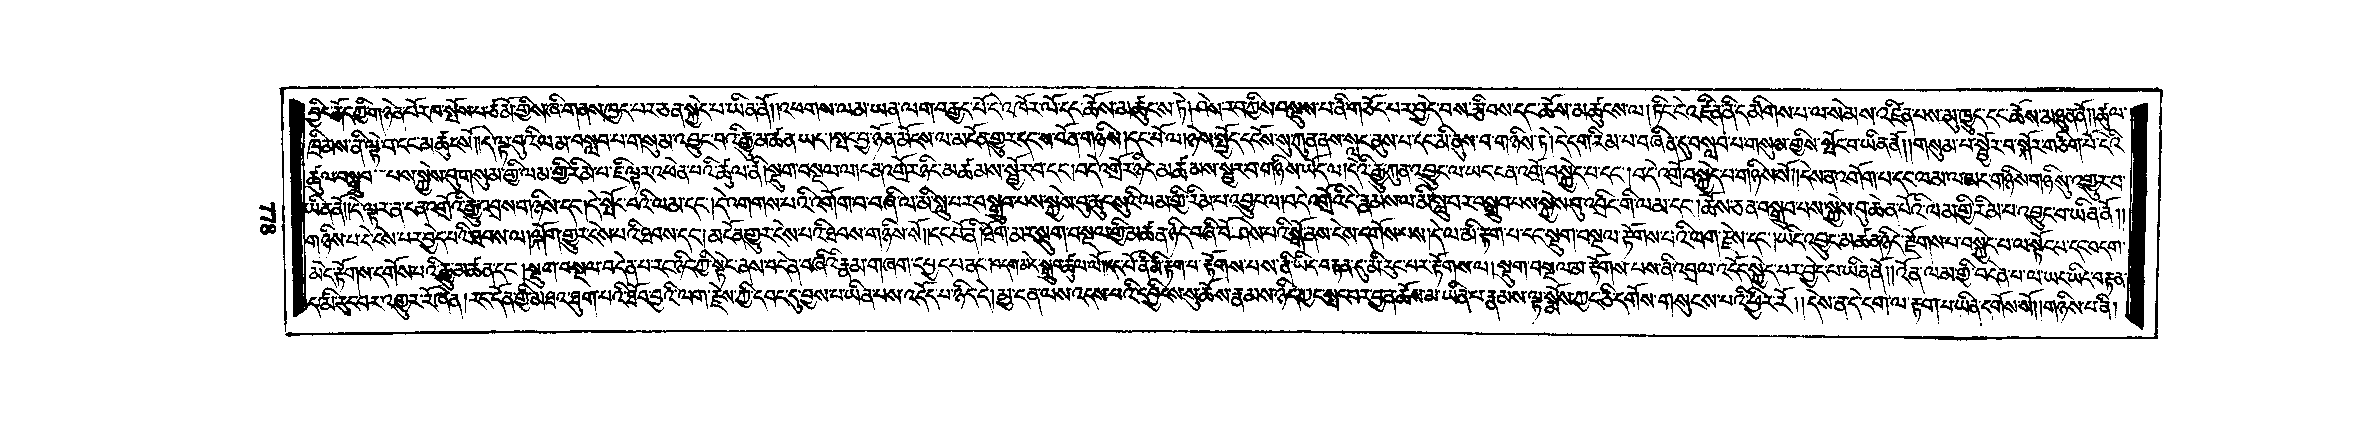བྱིང་རྒོད་ཀྱི་གཉེན་པོར་ཁ་སྤོས་པ་ཙམ་མོ་གྱིས་ཞི་གནས་ཁྱད་པར་ཅན་སྐྱེད་པ་ཡིན་ནོ། །འཕགས་ལམ་ཡན་ལག་བརྒྱད་པོ་དེ་འཁོར་ལོ་དང་ཆོས་མཚུངས་ཏེ། ཤེས་རབ་ཀྱིས་བསྡུས་པ་ནི་གཅོད་པར་བྱེད་པས་རྩིབས་དང་ཆོས་མཚུངས་ལ། ཏིང་ངེ་འཛིན་ནི་དམིགས་པ་ལ་སེམས་འཛིན་པས་མུ་ཁྱུད་དང་ཆོས་མཐུན་ནོ། །ཚུལ་
ཁྲིམས་ནི་ལྟེ་བ་དང་མཚུངས་སོ། །དེ་ལྟ་བུའི་ལམ་བསླབ་པ་གསུམ་འབྱུང་བའི་རྒྱུ་མཚན་ཡང་། སྤང་བྱ་ཉོན་མོངས་ལ་མངོན་གྱུར་དང་ས་བོན་གཉིས། དང་པོ་ལ། ཉེས་སྤྱོད་དངོས་སུ་ཀུན་ནས་སླང་ནུས་པ་དང་མི་ནུས་པ་གཉིས་ཏེ། དེ་དག་རིམ་པ་བཞིན་དུ་བསླབ་པ་གསུམ་གྱིས་སྤོང་བ་ཡིན་ནོ། །གསུམ་པ་སྦྱོར་བ་སྐོར་གཅིག་པོ་དེའི་
ཚུལ་བསྒྲུབ་པས་སྐྱེས་བུ་གསུམ་གྱི་ལམ་གྱི་རིམ་པ་ཇི་ལྟར་འཕེན་པའི་ཚུལ་ནི། སྡུག་བསྔལ་ལ། ངན་འགྲོར་ཉིད་མཚམས་སྦྱོར་བ་དང་། བདེ་འགྲོར་ཉིད་མཚམས་སྦྱར་བ་གཉིས་ཡོད་ལ། དེའི་རྒྱུ་ཀུན་འབྱུང་ལ་ཡང་ངན་འགྲོ་བསྐྱེད་པ་དང་། བདེ་འགྲོ་བསྐྱེད་པ་གཉིས་སོ། །དེས་ན་འགོག་པ་དང་ལམ་ལ་ཡང་གཉིས་གཉིས་སུ་འགྱུར་བ་
ཡིན་ནོ། །དེ་ལྟར་ན་ངན་འགྲོའི་རྒྱུ་འབྲས་གཉིས་དང་། དེ་སྤོང་བའི་ལམ་དང་། དེ་འགགས་པའི་འགོག་བ་བཞི་ལ་མི་སླུ་པར་བསྒྲུབ་པས་སྐྱེས་བུ་ཆུང་སུའི་ལམ་གྱི་རིམ་པ་འབྱུང་ལ། བདེ་འགྲོའི་དེ་རྣམས་ལ་མི་སླུ་བར་བསྒྲུབ་པས་སྐྱེས་བུ་འབྲིང་གི་ལམ་དང་། ཆོས་ཅན་བསྒྲུབ་པས་སྐྱེས་བུ་ཆེན་པོའི་ལམ་གྱི་རིམ་པ་འབྱུང་བ་ཡིན་ནོ། །
གཉིས་པ་དེ་ངེས་པར་བྱེད་པའི་ཐབས་ལ། ལྐོག་གྱུར་ངེས་པའི་ཐབས་དང་། མངོན་གྱུར་ངེས་པའི་ཐབས་གཉིས་སོ། །དང་པོ་ནི། ཐོག་མར་སྡུག་བསྔལ་གྱི་མཚན་ཉིད་བཞི་བོ་ཤེས་པའི་སྒོ་ནས་ངེས་དགོས་པས། དེ་ལ་མི་རྟག་པ་དང་སྡུག་བསྔལ་རྟོགས་པའི་ལག་རྗེས་དང་། ཡིད་འབྱུང་མཚན་ཉིད་རྫོགས་པ་བསྐྱེད་པ་ལ་སྟོང་པ་དང་བདག་
མེད་རྟོགས་དགོས་པའི་རྒྱུ་མཚན་དང་། སྡུག་བསྔལ་བདེན་པ་རང་ཉིད་ཀྱི་སྟེང་ནས་བདེན་བཞིའི་རྣམ་གཞག་དཔྱད་པ་ནང་། བདག་མེད་སྒྲུབ་ཚུལ་ལོ། །དང་པོ་ནི་མི་རྟག་པ་རྟོགས་པས་ནི་ཡིད་བརྟན་དུ་མི་རུང་པར་རྟོགས་ལ། སྡུག་བསྔལ་མ་རྟོགས་པས་ནི་འབྲལ་འདོད་སྐྱེད་པར་བྱེད་པ་ཡིན་ནོ། །འོན་ལམ་གྱི་བདེན་པ་ལ་ཡང་ཡིད་བརྟན་
ད་མི་རུང་བར་འགྱུར་རོ་ཞེ་ན། རང་དོན་གྱི་མཐའ་ཐུག་པའི་ཐོབ་བྱའི་ལག་རྗེས་ཀྱི་དབང་དུ་བྱས་པ་ཡིན་པས་འདོད་པ་ཉིད་དེ། མྱ་ངན་ལས་འདས་པའི་དབྱིངས་སུ་ཆོས་རྣམས་ཉིད་ཀྱང་སྤང་བར་བྱ་ན་ཆོས་མ་ཡིན་པ་རྣམས་ལྟ་སྨོས་ཀྱང་ཅི་དགོས་གསུངས་པའི་ཕྱིར་རོ། །དེས་ན་དེ་དག་ལ་རྟག་པ་ཡིན་དགོས་སོ། །གཉིས་པ་ནི།